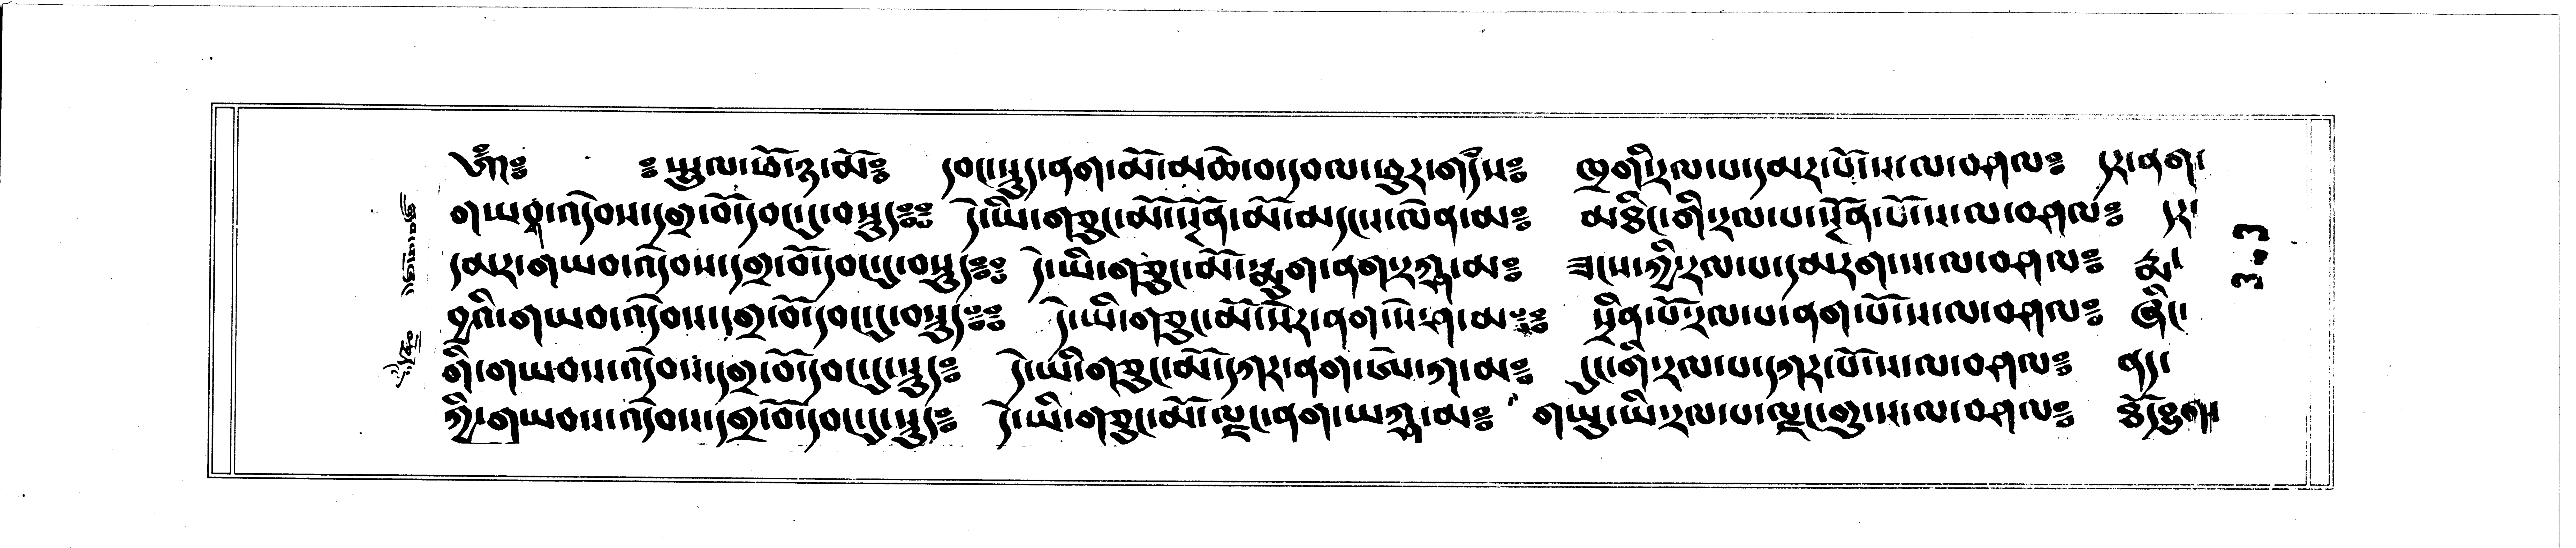སྤྲུལ་ཕོ་ཉ་མོ༔ དབང་སྡུད་ནག་མོ་མཆེ་བ་དབལ་ཕུར་གདམས༔ ཁྲག་གི་རལ་པ་དམར་པོ་ས་ལ་བཤལ༔ དར་ནག་
གཡབ་འདེབས་དགྲ་བོ་དབང་དུ་བསྡུད༔ དེ་ཡི་གཅུང་མོ་སྔོན་མོ་མདངས་ལེན་མ༔ མཐིང་གི་རལ་པ་སྔོན་པོ་ས་ལ་བཤལ༔ དར་
དམར་གཡབ་འདེབས་དགྲ་བོ་དབང་དུ་བསྡུད༔༔ དེ་ཡི་གཅུང་མོ་སྨུག་ནག་རཀྴ་མ༔ ཟངས་ཀྱི་རལ་པ་དམར་ནག་ས་ལ་བཤལ༔ རྨ་
བྱའི་གཡབ་འདེབས་དགྲ་བོ་དབང་དུ་བསྡུད༔ དེ་ཡི་གཅུང་མོ་སེར་ནག་སེ་ཤ་མ༔༔ སྲིན་པོ་རལ་པ་ནག་པོ་ས་ལ་བཤལ༔ ཞིང་
གི་གཡབ་འདེབས་དགྲ་བོ་དབང་དུ་སྡུད༔ དེ་ཡི་གཅུང་མོ་དཀར་ནག་ཨེ་ཀ་མ༔ དུང་གི་རལ་པ་དཀར་པོ་ས་ལ་བཤལ༔ ནད་
ཀྱི་གཡབ་འདེབས་དགྲ་བོ་དབང་དུ་སྡུད༔ དེ་ཡི་གཅུང་མོ་ལྗང་ནག་ཡཀྴ་མ༔ གཡུ་ཡི་རལ་པ་ལྗང་གུ་ས་ལ་བཤལ༔ ཐོད་དབྱུག་